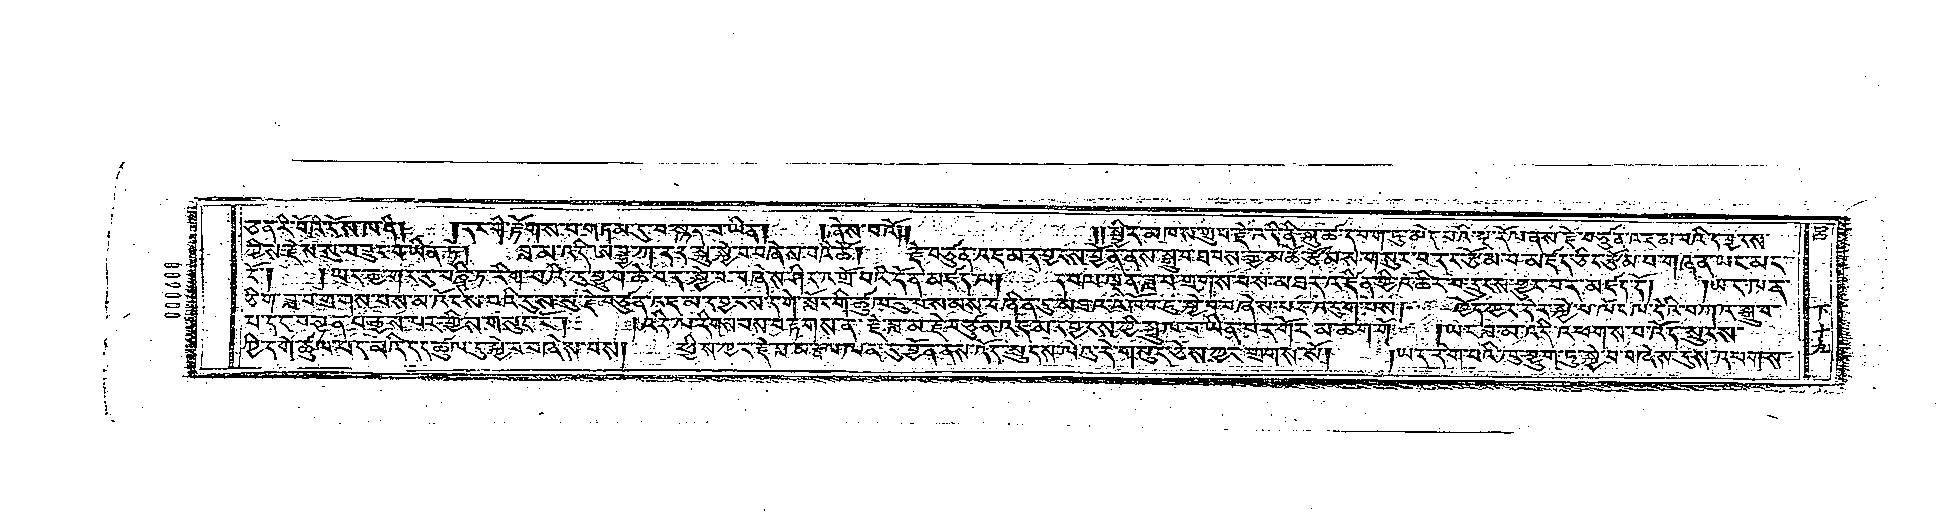ཅན་རི་བོའི་ངོས་ལ་ནི། །རང་གི་རྟོགས་པ་གཏམ་དུ་བསྙད་བ་ཡིན། །ཞེས་བའོ།། །།སྤྱིར་མཁས་གྲུབ་རྗེ་འདི་ནི་སྐུ་ཚེ་དཔག་ཏུ་མེད་པའི་སྔ་རོལ་ནས་རྗེ་བཙུན་འཇམ་པའི་དབྱངས་
ཀྱིས་རྗེས་སུ་བཟུང་བ་ཡིན་ཏེ། བླ་མ་འདི་ཨབྷྱ་ཀ་རར་སྐུ་སྐྱེ་བ་བཞེས་བའི་ཚེ། རྗེ་བཙུན་འཇམ་དབྱངས་བྱོན་ནས་སྒྲུབ་ཐབས་རྒྱ་མཚོ་རྩོམས་གསུང་བ་དང་རྩོམ་བ་མཛད་ཅིང་རྩོམ་བ་གཞན་ཡང་མང་
ངོ། །ཡང་རྒྱ་གར་དུ་པཎྜི་ཏ་རིག་པའི་ཁུ་བྱུག་ཆེ་བར་སྐྱེ་བ་བཞེས་ཤིང་འགྲོ་བའི་དོན་མཛད་ལ། དཔལ་ལྡན་ཟླ་བ་གྲགས་པས་མཐར་འཛིན་གྱི་འཆིང་བ་དྲུངས་བྱུང་བར་མཛད་དོ། །ཡང་ལན་
ཅིག་ཟླ་བ་གྲགས་པས་མ་འོངས་བའི་དུས་སུ་རྗེ་བཙུན་འཇམ་དབྱངས་དགེ་སློང་གི་ཚུལ་དུ་བསམས་བཞིན་དུ་མཐའ་འཁོབ་ཏུ་སྐྱེ་བ་བཞེས་པར་འདུག་པས། ཁྱོད་ཀྱང་དེར་སྐྱེ་པ་ལོང་ལ་དེའི་བཀའ་སྒྲུབ་
པ་དང་བསྟན་པ་རྒྱས་པར་གྱིས་གསུང་ངོ། །འདི་ལ་རིགས་པས་བརྟགས་ན་རྗེ་བླ་མ་རྗེ་བཙུན་འཇམ་དབྱངས་ཀྱི་སྤྲུལ་པ་ཡིན་པར་གོར་མ་ཆག་གོ། །ཡང་བླ་མ་འདི་འཕགས་པ་འོད་སྲུངས་
ཀྱི་དགེ་ཚུལ་པད་མའི་དད་ཚུལ་དུ་སྐྱེ་བ་བཞེས་པས། ཕྱིས་ཀྱང་རྗེ་བླ་མ་རྣལ་ལམ་དུ་བྱོན་ནས་འོད་སྲུངས་ལེའུ་རེ་གསུང་ཅེས་ཀྱང་གྲགས་སོ། །ཡང་རེག་པའི་ཁུ་བྱུག་ཏུ་སྐྱེ་བ་བཞེས་དུས་འཕགས་